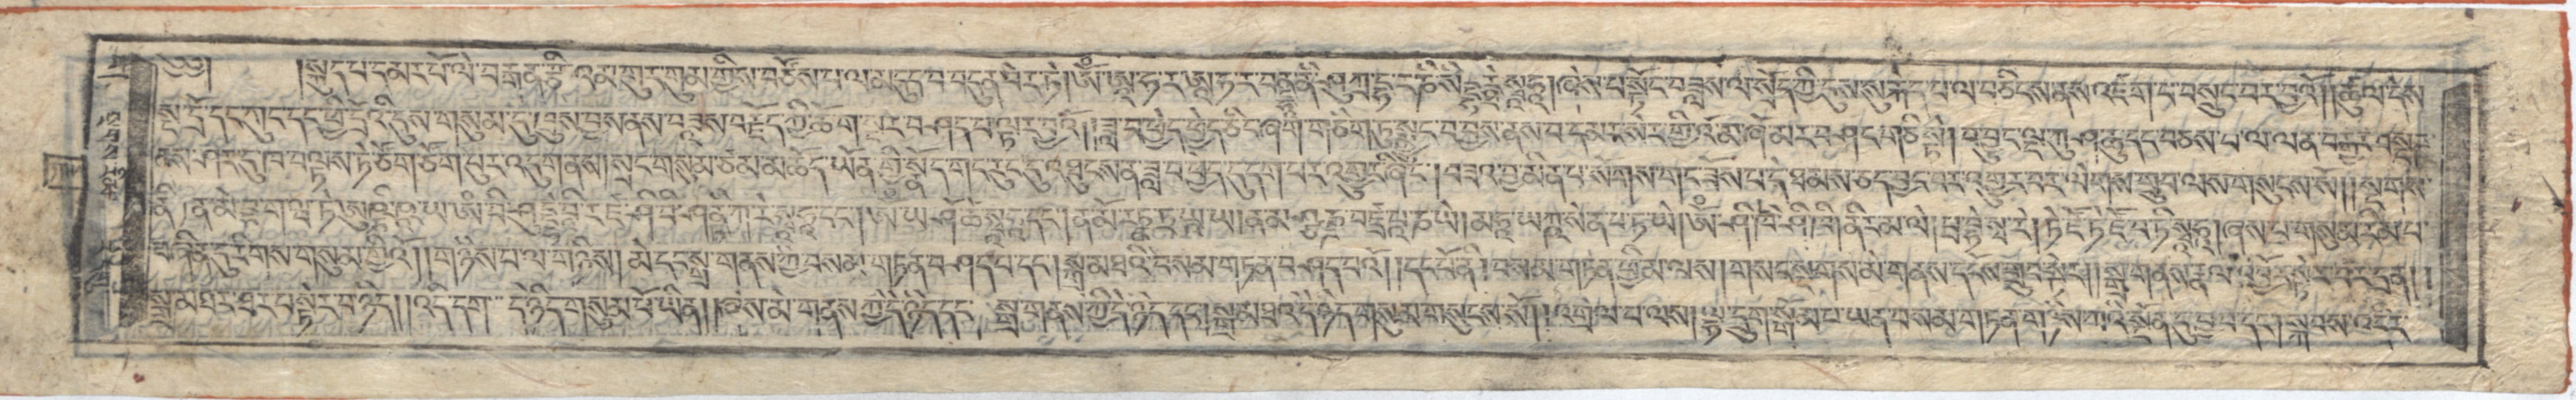༄༅། །སྐུད་པ་དམར་པོ་ལེ་བརྒན་རྩི་འམ་གུར་གུམ་གྱིས་བཙོས་པ་ལ་མདུད་བ་བདུན་བེར་ཏེ། ཨོཾ་ཨཱ་ཧ་ར་ཨཱ་ཧ་ར་བནྡྷཱ་ནི་ཤུཀྲ་དྷ་ར་ཎི་སིདྡྷ་རེཐ་སྭཱ་ཧཱ། ཞེས་པ་སྟོང་བཟླས་ལ་སྲོད་ཀྱི་དུས་སུ་རྐེད་པ་ལ་བཅིངས་ནས་འཛག་པ་བསྲུང་བར་བྱའོ། །ཚུལ་དེས་
སྔ་དྲོ་དང་ཀུང་དང་ཕྱི་དྲོའི་དུས་གསུམ་དུ་ཁྲུས་བྱས་ནས་བཟླས་བརྗོད་ཀྱི་ཆོ་ག་སྔར་བཤད་པ་ལྟར་བྱའོ། །ཟླ་བ་ཕྱེད་ཕྱེད་ཅིང་ཞག་གཅིག་ཏུ་སྨྱུང་བ་བྱས་ནས་བ་དམར་སེར་གྱི་འོ་མ་ཞོ་མར་བཤད་གཅི་སྟེ། བ་བྱུང་ལྔ་ཀུ་ཤ་ཆུ་དང་བཅས་པ་ལ་ལན་བརྒྱད་བསྔགས་
ནས་ཤར་དུ་ཁ་བལྟས་ཏེ་ཙོག་ཙོག་པུར་འདུག་ནས། སྲང་གསུམ་ཙམ་མཆོད་ཡོན་གྱི་སྣོད་གང་རུང་དུ་འཐུངས་ན་ཟླ་བ་ཕྱེད་དུ་དག་པར་འགྱུར་ཞིང་། བཟའ་བྱ་མིན་པ་སོགས་གང་ཟོས་པ་དེ་ཐམས་ཅད་བྱང་བར་འགྱུར་བར་ལེགས་གྲུབ་ལས་གསུངས་སོ། །སྔགས་
ནི། ན་མོ་བྷ་ག་ཝ་ཏེ་ཨུཥྞི་ཥཱ་ཡ་ཨཾ་བི་ཤུདྡྷེ་བཱི་ར་ཛ་ཤི་བི་ཤནྟི་ཀ་རེ་སྭཱ་ཧཱ་དང་། ཨོཾ་ཡ་ཤོ་ཚེ་སྭཱ་ཧཱ་དང་། ན་མོ་རཏྣ་ཏྲ་ཡཱ་ཡ། ན་མ་ཤྩཎྜ་བཛྲ་པཱ་ཎ་ཡེ། མཧཱ་ཡཀྵ་སེ་ན་པ་ཏ་ཡེ། ཨོཾ་ཤི་ཁི་ཤི་ཁི། ནིར་མ་ལེ། པྲ་བྷེ་སྭ་རེ། ཏེ་ཛོ་ཏེ་ཛོ་བ་ཏི་སྭཱ་ཧཱ། ཞེས་པ་གསུམ་རིམ་པ་
བཞིན་དུ་རིགས་གསུམ་གྱིའོ། །གཉིས་པ་ལ་གཉིས། མེ་དང་སྒྲ་གནས་ཀྱི་བསམ་གཏན་བཤད་པ་དང་། སྒྲ་མཐའི་བསམ་གཏན་བཤད་པའོ། །དང་པོ་ནི། བསམ་གཏན་ཕྱི་མ་ལས། གསང་སྔགས་མེ་གནས་དངོས་གྲུབ་སྟེར། །སྒྲ་གནས་རྣལ་འབྱོར་སྟེར་བར་དྲན། །
སྒྲ་མཐར་ཐར་པ་སྟེར་བ་ཉིད། །འདི་དག་དེ་ཉིད་གསུམ་པོ་ཡིན། །ཞེས་མེ་གནས་ཀྱི་དེ་ཉིད་དང་། སྒྲ་གནས་ཀྱི་དེ་ཉིད་དང་། སྒྲ་མཐའ་དེ་ཉིད་གསུམ་གསུངས་སོ། །འགྲེལ་པ་ལས། ལྷ་དྲུག་སྒོམ་པ་ཡན་བསམ་གཏན་གཉིས་ཀའི་སྔོན་དུ་བྱ་བ་དང་། སྐབས་འདིར་